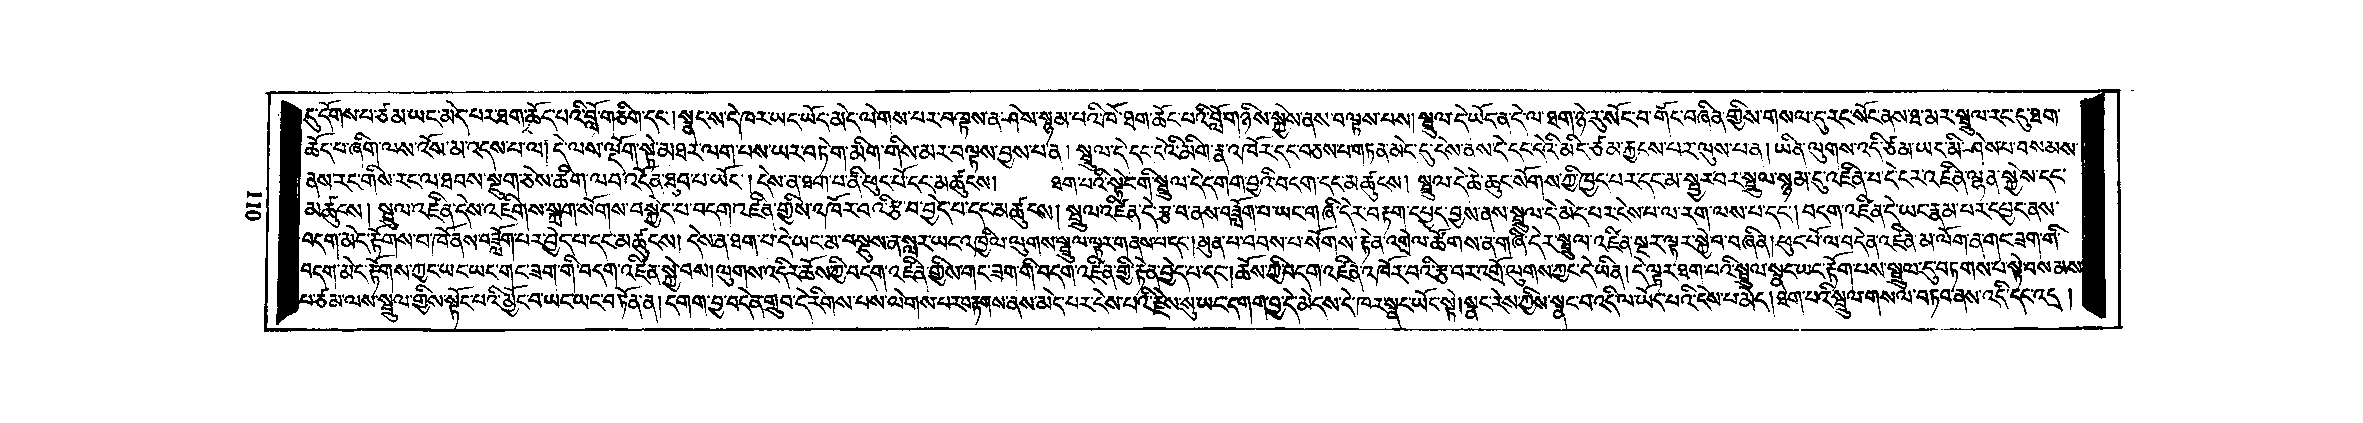དུ་དོགས་པ་ཙམ་ཡང་མེད་པར་ཐག་ཆོད་པའི་བློ་གཅིག་དང་། སྣང་ས་དེ་ཁར་ཡང་ཡོད་མེད་ལེགས་པར་བལྟས་ན་ཤེས་སྙམ་པའི་ཁོ་ཐག་ཆོད་པའི་བློ་གཉིས་སྐྱེས་ནས་བལྟས་པས། སྦྲུལ་དེ་ཡོད་ན་དེ་ལ་ཐག་ཉེ་རུ་སོང་བ་གོང་བཞིན་གྱིས་གསལ་དུ་རང་སོང་ནས་ཐ་མར་སྦྲུལ་རང་དུ་ཐག་
ཆོད་པ་ཞིག་ལས་འོས་མ་འདས་པ་ལ། དེ་ལས་ལྡོག་སྟེ་མཐར་ལག་པས་ཡར་བཏེག་མིག་གིས་མར་བལྟས་བྱས་པ་ན། སྦྲུལ་དེ་དང་དེའི་མིག་རྣ་འཁོར་དང་བཅས་པ་གཏན་མེད་དུ་དེས་ནས་དེ་དང་དེའི་མིང་ཙམ་རྐྱངས་པར་ལུས་པ་ན། ཡིན་ལུགས་འདི་ཙམ་ཡང་མི་ཤེས་པ་བསམས་
ནས་རང་གིས་རང་ལ་ཐབས་སྡུག་ཅེས་ཚིག་ལབ་འདོན་ཐུབ་པ་ཡོང་། དེས་ན་ཐག་པ་ནི་ཕུང་པོ་དང་མཚུངས། ཐག་པའི་སྟེང་གི་སྦྲུལ་དེ་དགག་བྱའི་བདག་དང་མཚུངས། སྦྲུལ་དེ་ཆེ་ཆུང་སོགས་ཀྱི་ཁྱད་པར་དང་མ་སྦྱར་བར་སྦྲུལ་སྙམ་དུ་འཛིན་པ་དེ་ངར་འཛིན་ལྷན་སྐྱེས་དང་
མཚུངས། སྦྲུལ་འཛིན་དེས་འཇིགས་སྐྲག་སོགས་བསྐྱེད་པ་བདག་འཛིན་གྱིས་འཁོར་བའི་རྩ་བ་བྱེད་པ་དང་མཚུངས། སྦྲུལ་འཛིན་དེ་རྩ་བ་ནས་བཟློག་པ་ཡང་གཞི་དེར་བརྟག་དཔྱད་བྱས་ནས་སྦྲུལ་དེ་མེད་པར་ངེས་པ་ལ་རག་ལས་པ་དང་། བདག་འཛིན་དེ་ཡང་རྣམ་པར་དཔྱད་ནས་
བདག་མེད་རྟོགས་པ་ཁོ་ནས་བཟློག་པར་བྱེད་པ་དང་མཚུངས། དེས་ན་ཐག་པ་དེ་ཡང་མ་བསྡུས་ན་སླར་ཡང་འཁྱིལ་ལུགས་སྦྲུལ་ལྟར་གནས་པ་དང་། མུན་པ་བབས་པ་སོགས་རྟེན་འགྲེལ་ཚོགས་ན་གཞི་དེར་སྦྲུལ་འཛིན་སྔར་ལྟར་སྐྱེ་བ་བཞིན། ཕུང་པོ་ལ་བདེན་འཛིན་མ་ལོག་ན་གང་ཟག་གི་
བདག་མེད་རྟོགས་ཀྱང་ཡང་ཡང་གང་ཟག་གི་བདག་འཛིན་སྐྱེ་བས། ལུགས་འདིར་ཆོས་ཀྱི་བདག་འཛིན་གྱིས་གང་ཟག་གི་བདག་འཛིན་གྱི་རྟེན་བྱེད་པ་དང་། ཆོས་ཀྱི་བདག་འཛིན་འཁོར་བའི་རྩ་བར་འགྲོ་ལུགས་ཀྱང་དེ་ཡིན། དེ་ལྟར་ཐག་པའི་སྦྲུལ་སྣང་ཡང་རྟོག་པས་སྦྲུལ་དུ་བཏགས་པ་སྟེ་བསམས་
པ་ཙམ་ལས་སྦྲུལ་གྱིས་སྟོང་པའི་མྱོང་བ་ཡང་ཡང་བཏོན་ན། དགག་བྱ་བདེན་གྲུབ་དེ་རིགས་པས་ལེགས་པར་བརྟགས་ནས་མེད་པར་ངེས་པའི་རྗེས་སུ་ཡང་དགག་བྱ་དེ་མེད་ས་དེ་ཁར་སྣང་ཡོང་སྟེ། སྣང་རེས་ཀྱིས་སྣང་བ་འདི་ལ་ཡོད་པའི་ངེས་པ་མེད། ཐེག་པའི་སྦྲུལ་གསལ་བཏབ་ནས་འདི་དང་འདྲ།